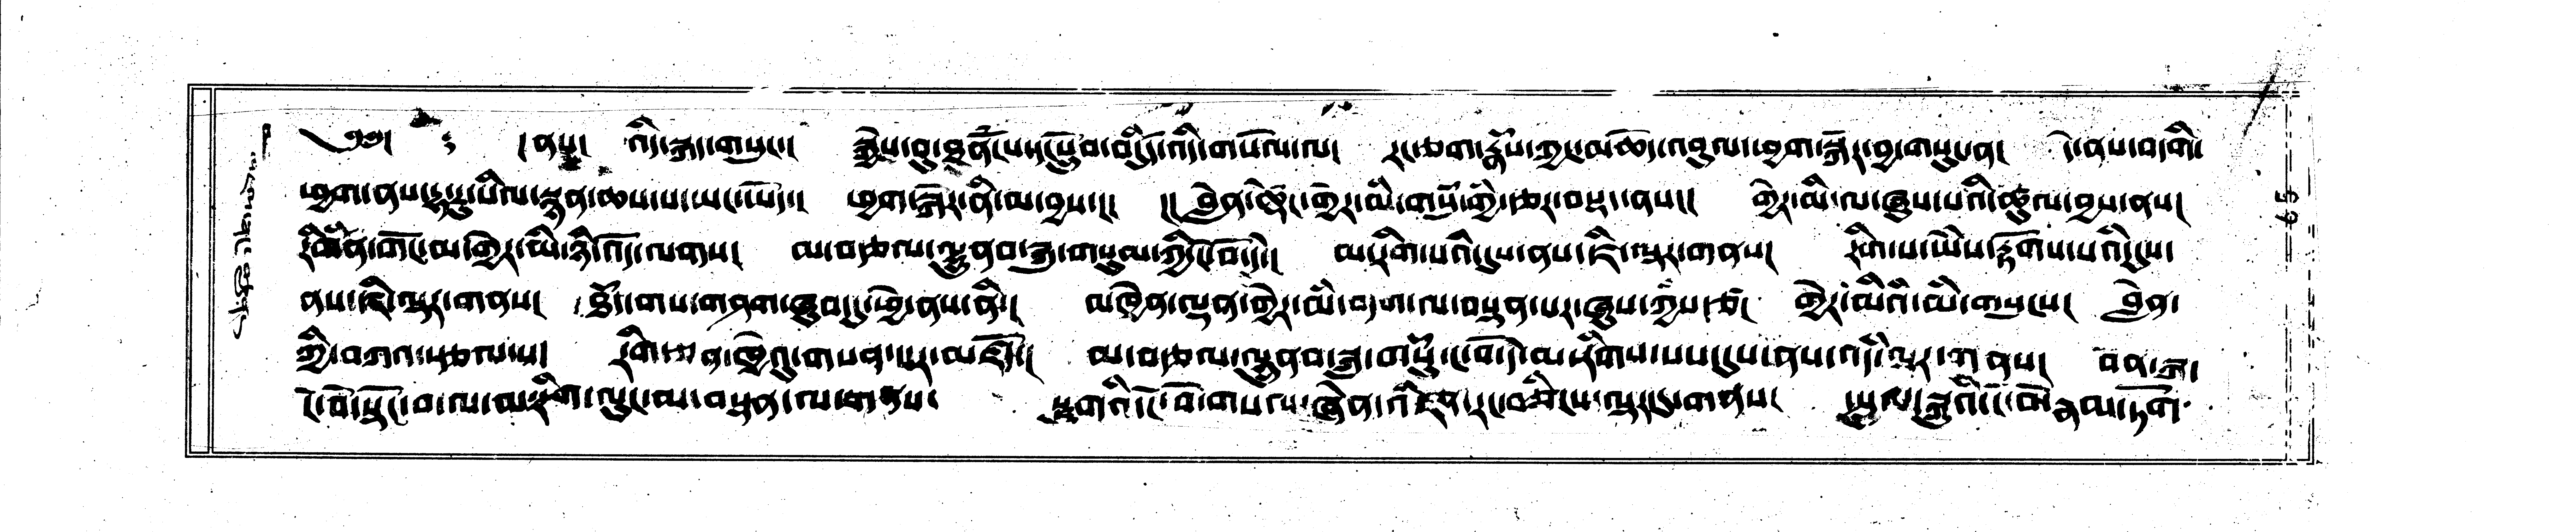ནས། འདི་སྐད་གསུངས། སྐྱེས་བུ་ཐུན་མོངས་དངོས་གྲུབ་བདུད་རྩི་འདི་གསོལ་ལ། རང་ཅག་རྣམས་ཀྱང་མཆོད་འབུལ་ཕྱག་སྐོར་བྱ་གསུང་ནས། དེ་ནས་བདག་གི་
ཕྱག་ནས་དྷ་རུ་སིལ་སྙན་ཆས་པ་ཡང་ཡོད། ཕྱག་སྐོར་ནི་མ་བྱས། བླ་ཆེན་ཚེ་དབང་གྱེར་མི་གསུམ་གྱི་རྩར་བསྡད་ནས། གྱེར་མི་ལ་ཞུས་པའི་ཚུལ་བྱས་ནས།
 རིག་འཛིན་གོང་མ་གྱེར་མི་ཉི་འོད་ལགས། མ་བརྩལ་ལྷུན་གྲུབ་སྐུ་གསུམ་ཀྱི་ངོ་བོ་དེ། མ་རིག་པའི་དུས་ནས་ཇི་ལྟར་གནས། རིག་པ་ཡེ་ཤེས་རྟོགས་པའི་དུས་
ནས་ཇི་ལྟར་གནས། ཐམས་ཅད་གས་གཤག་ཞུབ་དུ་ཕྱེ་ནས་ནི། མཁྱེན་ལྡན་གྱེར་མིས་བདག་ལ་བསྟན་པར་ཞུས་ཀྱིས་ཙ། གྱེར་མིས་མི་གསུངས། བླ་ཆེན་
གྱི་བཀའ་སྩལ་པ། རིག་ཅན་ཁྱེའུ་གསན་པར་མཛོད། མ་བརྩལ་ལྷུན་གྲུབ་སྐུ་གསུམ་ངོ་བོ་དེ་མ་རིག་པས་དུས་ནས་འདི་ལྟར་གནས། བོན་སྐུ་
ངོ་བོ་སྟོང་བ་ལ་མ་རིག་ལུང་མ་བསྟན་ལ་གནས། སྡུག་པའི་ངོ་བོ་གསལ་ཞེན་འཛིན་རང་བཅིངས་ལྟར་དུ་གནས། སྤྲུལ་སྐུའི་ངོ་བོ་རྣམ་རྟོག་